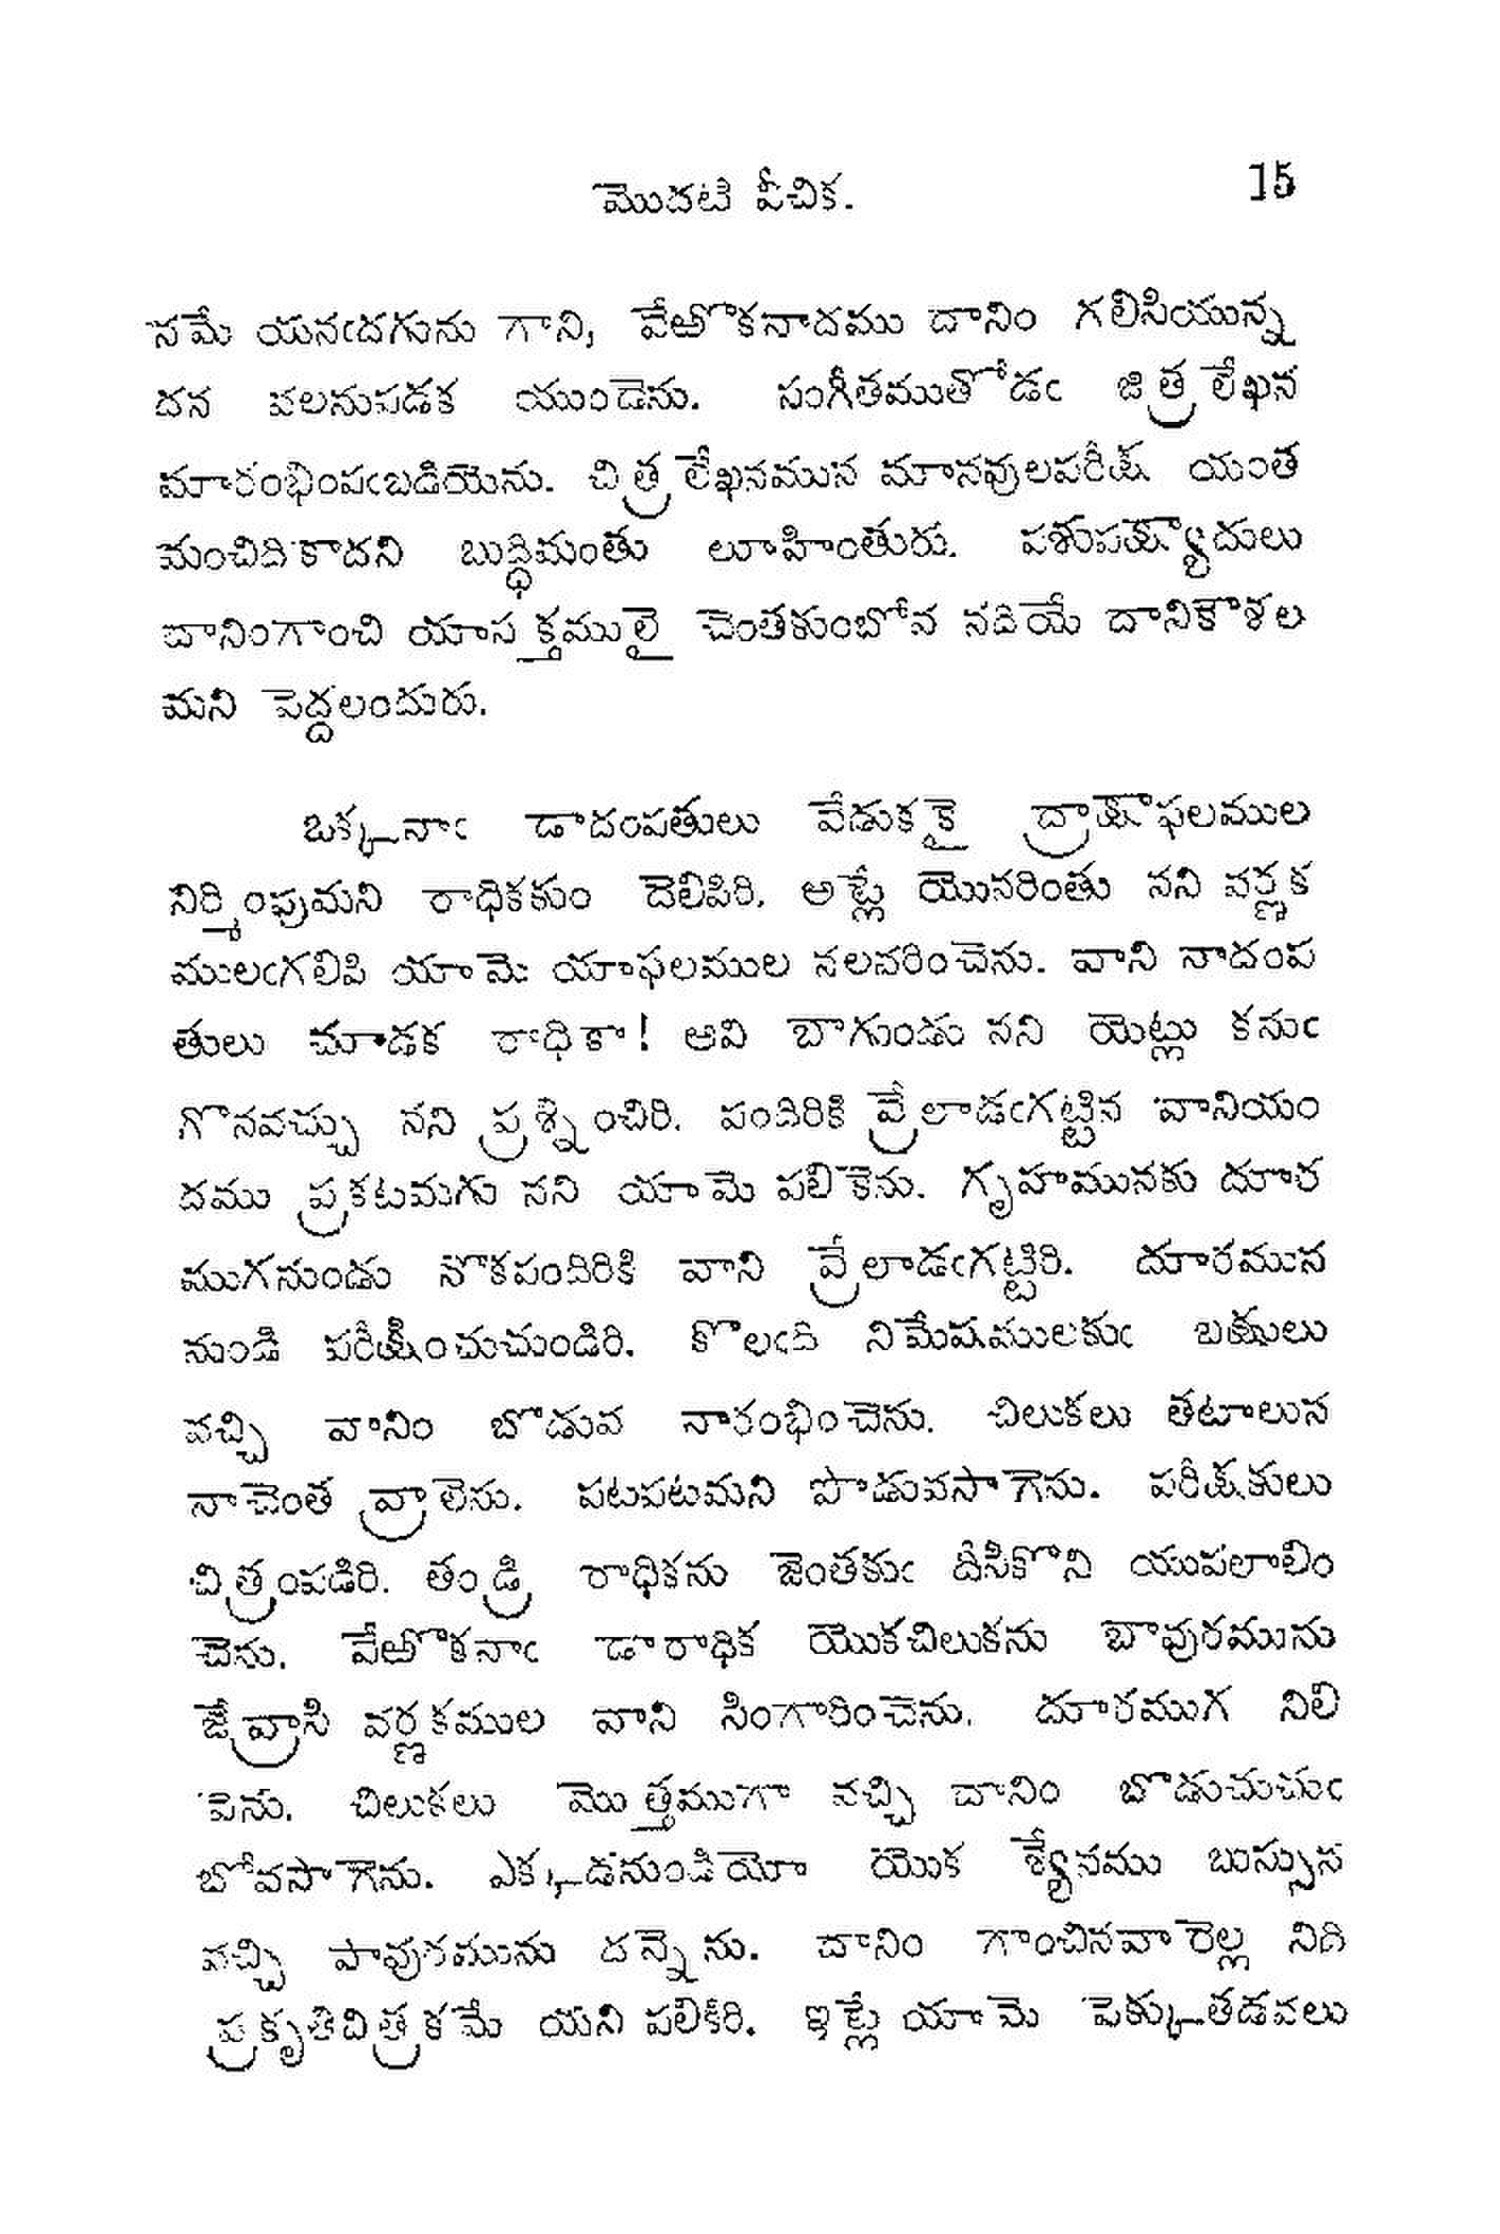నమే యనఁదగును గాని, వేఱోకనాదము దానిం గలిసియున్న దన వలనుపడక యుండెను. సంగీతముతోడఁ జిత్ర లేఖన మారంభింపఁబడియెను. చిత్ర లేఖనమున మానవులపరీక్ష, యంత మంచిది కాదని బుద్ధిమంతు లూహింతురు. పశుపక్ష్యాదులు దానింగాంచి యాసక్తములై చెంతకుంబోవ నదియే దానికౌశల మని పెద్దలందురు.

ఒక్కనాఁ డాదంపతులు వేడుక కై ద్రాక్షాఫలముల నిర్మింపుమని రాధికకుం దెలిపిరి, అట్లే యొనరింతు నని వర్ణకములఁగలిపి యామె యాఫలముల నలవరించెను. వాని నాదంపతులు చూడక రాధికా! అవి బాగుండు నని యెట్లు కనుఁ గొనవచ్చు నని ప్రశ్నించిరి. పందిరికి వ్రేలాడఁగట్టిన 'వానియం దము ప్రకటమగు నని యామే పలికెను. గృహమునకు దూర ముగనుండు నొకపందిరికి వాని వ్రేలాడఁగట్టిరి. దూరమున నుండి పరీక్షించుచుండిరి. కొలఁది నిమేషములకుఁ బక్షులు వచ్చి వానిం బొడువ నారంభించెను. చిలుకలు తటాలున నా చెంత వ్రాలెను. పటపటమని పొడువసాగెను. పరీక్షకులు చిత్రంపడిరి. తండ్రి, రాధికను జెంతకుఁ దీసికొని యుపలాలిం చెను. వేఱోకనాఁ డా రాధిక యొక చిలుకను బావురమును జేవ్రాసి వర్ణకముల వాని సింగారించెను. దూరముగ నిలిపెను. చిలుకలు మొత్తముగా వచ్చి దానిం బొడుచుచుఁ బోవసాగెను. ఎక్కడనుండీయో యొక శ్యేనము బుస్సున వచ్చి పావురమును దన్నెను. దానిం గాంచినవారెల్ల నిగి ప్రకృతి చిత్రకమే యని పలికిరి. ఇట్లే యామె పెక్కుతడవలు